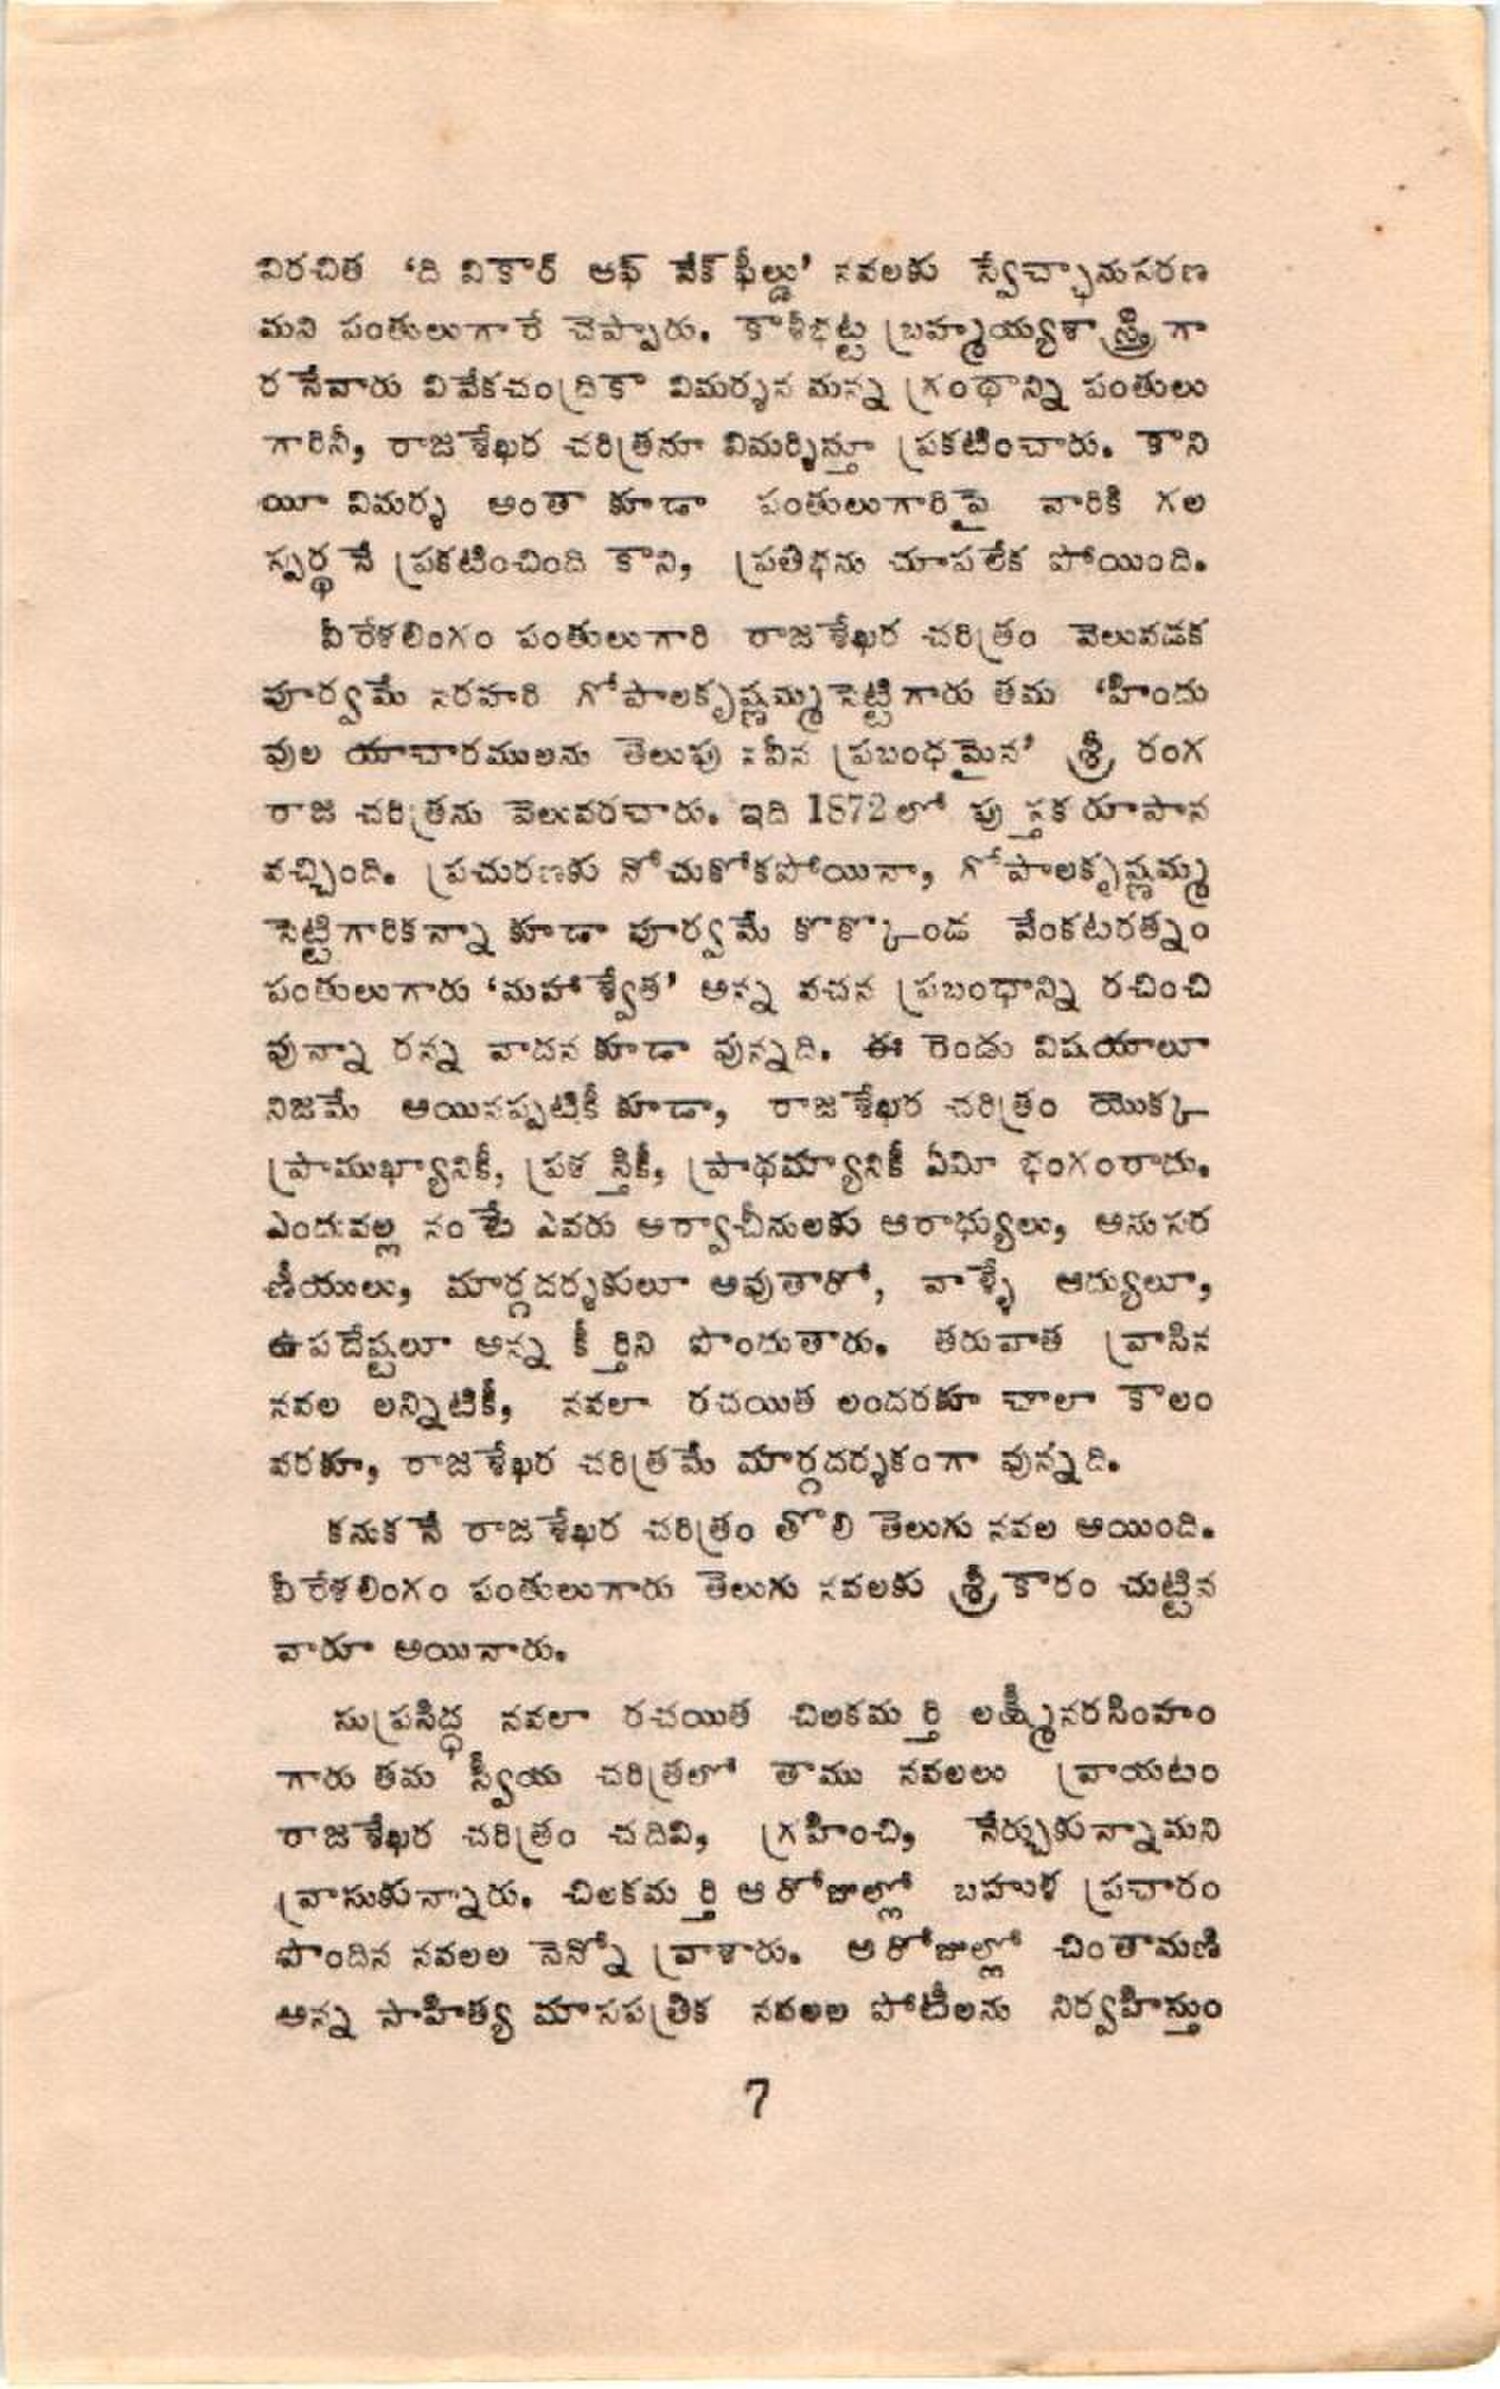విరచిత 'ది వికార్ ఆఫ్ వేక్‌ఫీల్డు’ నవలకు స్వేచ్ఛానుసరణ మని పంతులుగారే చెప్పారు. కాశీభట్ట బ్రహ్మయ్యశాస్త్రిగా రనేవారు వివేకచంద్రికా విమర్శన మన్న గ్రంథాన్ని పంతులు గారినీ, రాజశేఖర చరిత్రనూ విమర్శిస్తూ ప్రకటించారు. కాని యీ విమర్శ అంతా కూడా పంతులుగారిపై వారికి గల స్పర్థనే ప్రకటించింది కాని, ప్రతిభను చూపలేక పోయింది.

వీరేశలింగం పంతులుగారి రాజశేఖర చరిత్రం వెలువడక పూర్వమే నరహరి గోపాలకృష్ణమ్మసెట్టిగారు తమ 'హిందువుల యాచారములను తెలుపు నవీన ప్రబంధమైన' శ్రీ రంగ రాజ చరిత్రను వెలువరచారు. ఇది 1872లో పుస్తక రూపాన వచ్చింది. ప్రచురణకు నోచుకోకపోయినా, గోపాలకృష్ణమ్మసెట్టిగారికన్నా కూడా పూర్వమే కొక్కొండ వేంకటరత్నం పంతులు గారు “మహాశ్వేత” అన్న వచన ప్రబంధాన్ని రచించి వున్నారన్న వాదన కూడా వున్నది. ఈ రెండు విషయాలూ నిజమే అయినప్పటికీ కూడా, రాజశేఖర చరిత్రం యొక్కప్రాముఖ్యానికీ, ప్రశస్తికీ, ప్రాథమ్యానికీ ఏమీ భంగం రాదు. ఎందువల్లనంటే ఎవరు ఆర్వాచీనులకు ఆరాధ్యులు, అనుసరణీయులు, మార్గదర్శకులూ అవుతారో, వాళ్ళే ఆద్యులూ, ఉపదేష్టలూ అన్న కీర్తిని పొందుతారు. తరువాత వ్రాసిన నవల లన్నిటికీ, నవలా రచయిత లందరకూ చాలా కాలం వరకూ, రాజశేఖర చరిత్రమే మార్గదర్శకంగా వున్నది.

కనుకనే రాజశేఖర చరిత్రం తొలి తెలుగు నవల అయింది. వీరేశలింగం పంతులుగారు తెలుగు నవలకు శ్రీకారం చుట్టిన వారూ అయినారు.

సుప్రసిద్ధ రచయిత చిలకమర్తి లక్ష్మీనరసింహం గారు తమ స్వీయ చరిత్రలో తాము నవలలు వ్రాయటం రాజశేఖర చరిత్రం చదివి, గ్రహించి, నేర్చుకున్నామని వ్రాసుకున్నారు. చిలకమర్తి ఆ రోజుల్లో బహుళ ప్రచారం పొందిన నవలల నెన్నో వ్రాశారు. ఆ రోజుల్లో చింతామణి అన్న సాహిత్య మాసపత్రిక నవలల పోటీలను నిర్వహిస్తుం